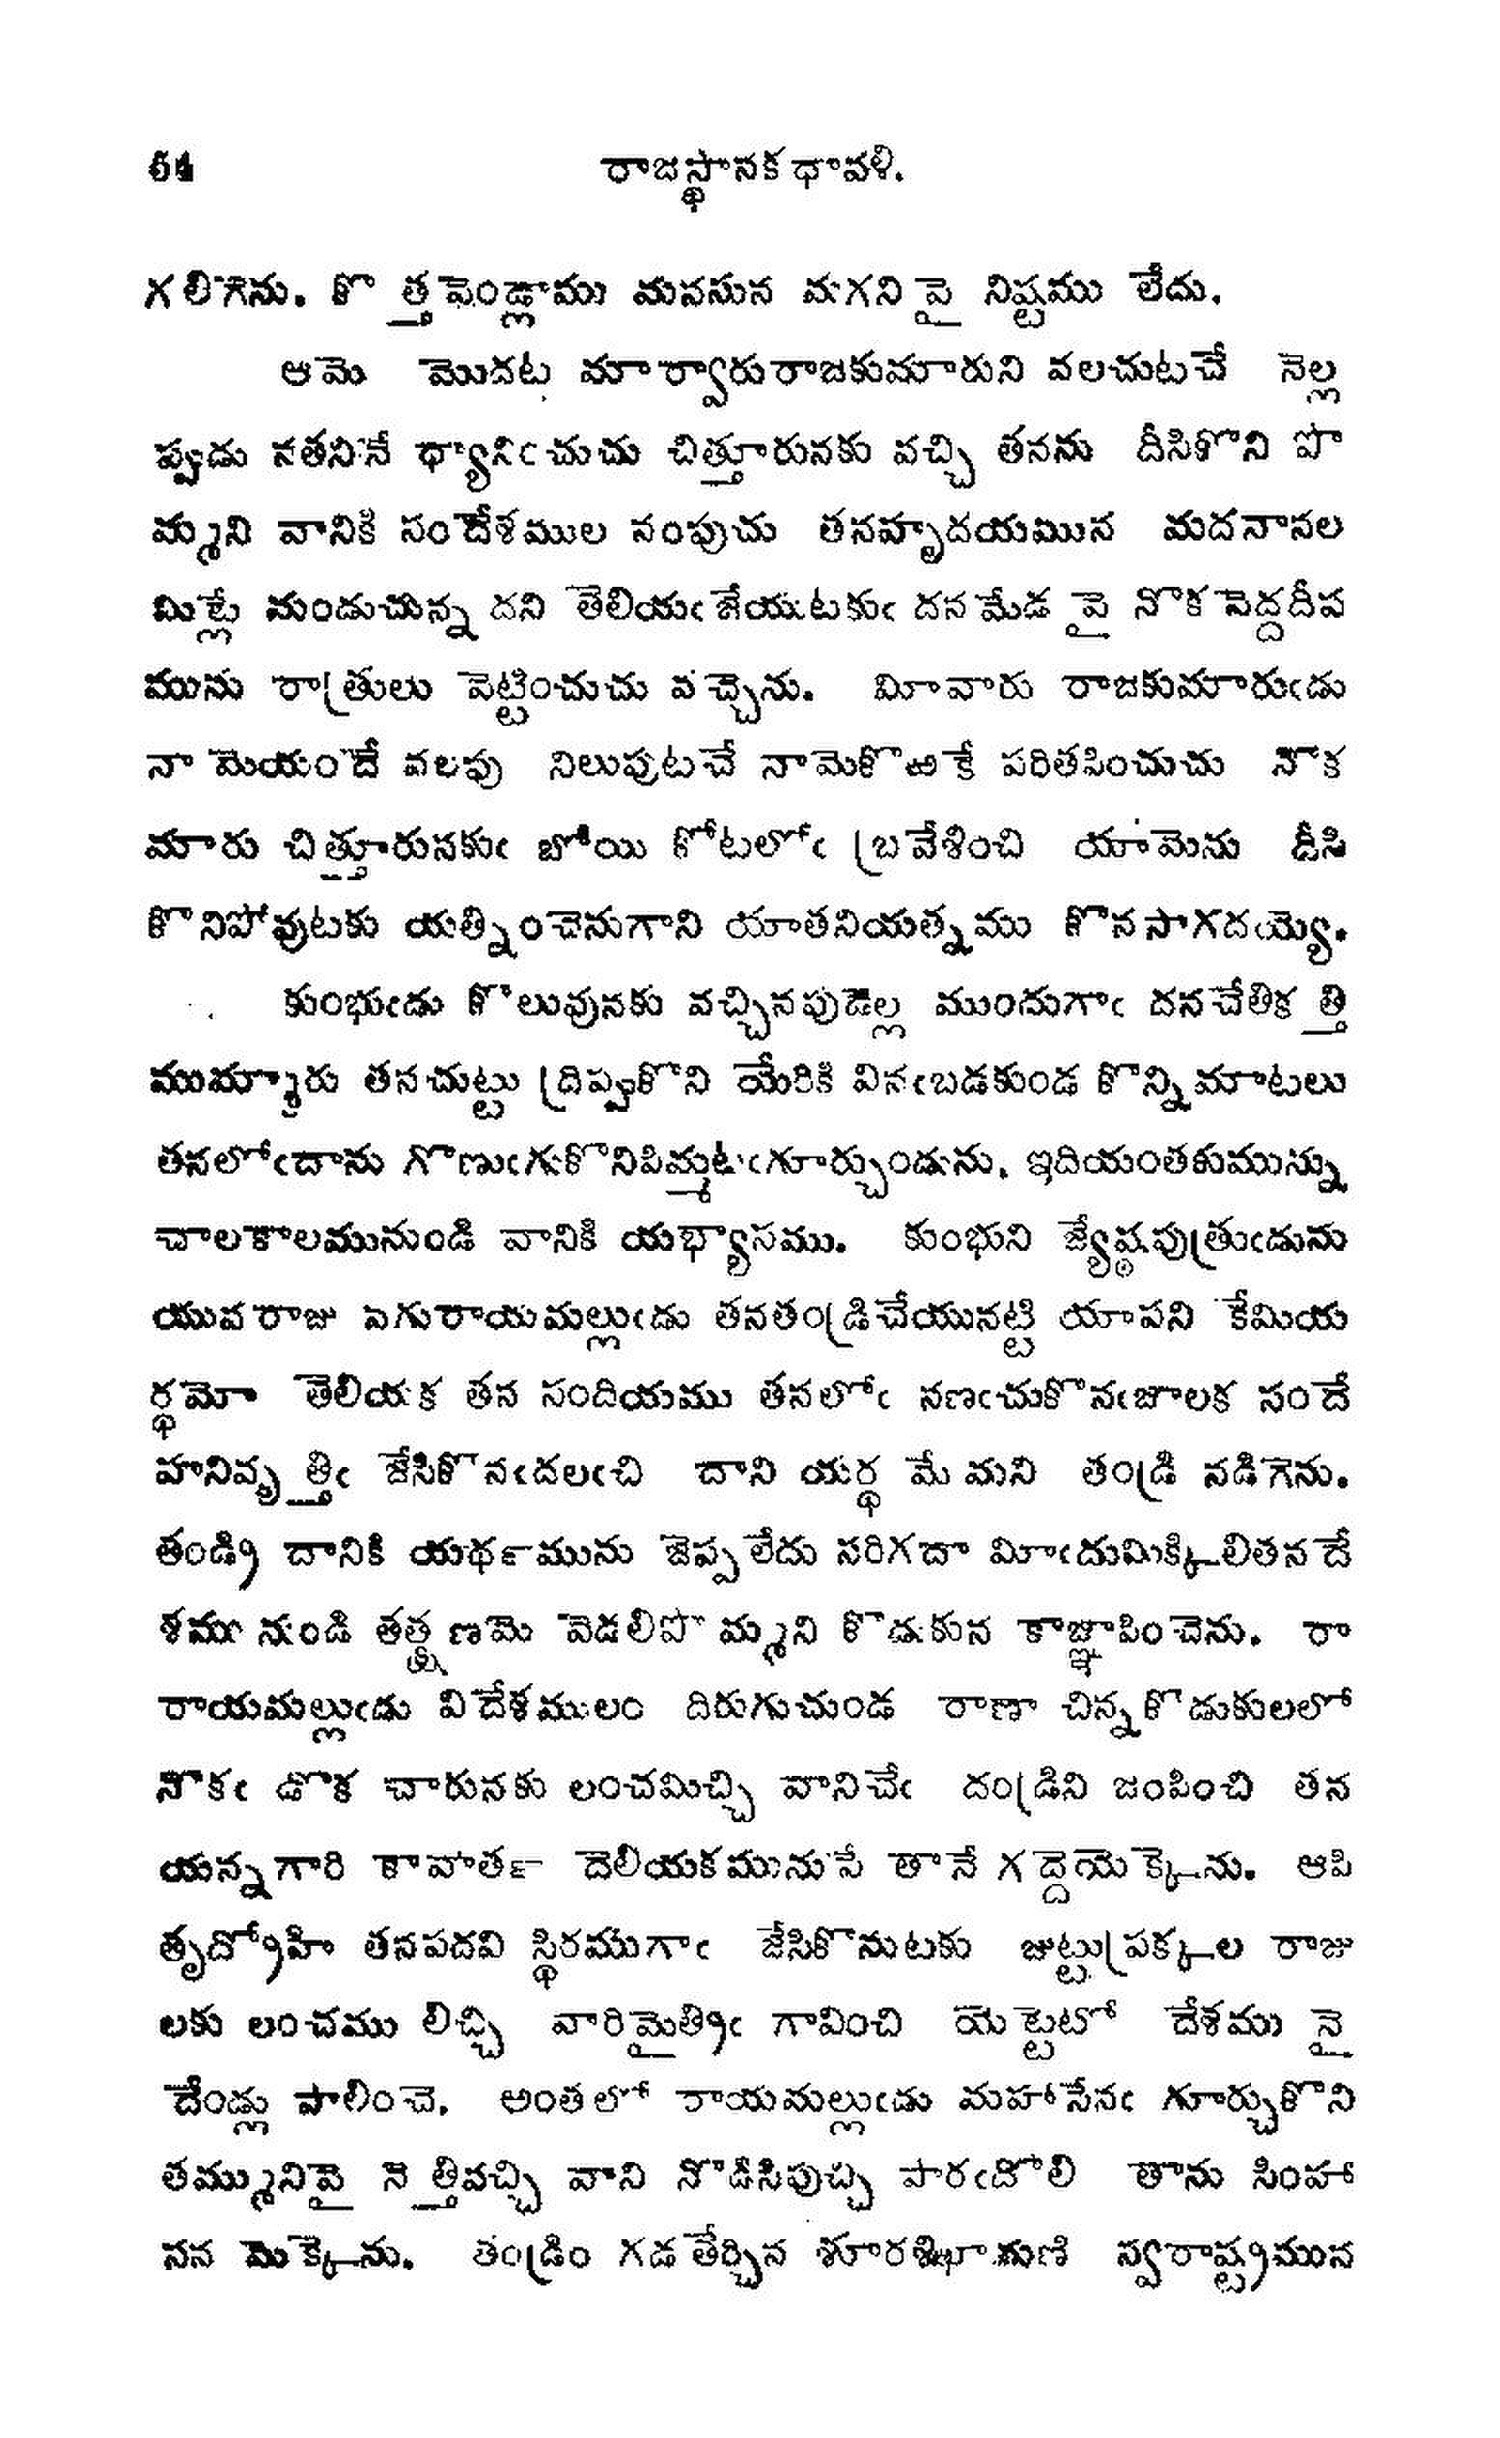గలిగెను. కొత్త పెండ్లాము మనసున మగని పై నిష్టము లేదు.

ఆమె మొదట మార్వారు రాజకుమారుని వలచుటచే నెల్లప్పుడు నతనినే ధ్యానించుచు చిత్తూరునకు వచ్చి తనను దీసికొని పొమ్మని వానికి సందేశముల నంపుచు తనహృదయమున మదనానల మిట్లే మండుచున్న దని తెలియఁ జేయుటకుఁ దనమేడ పై నొక పెద్దదీప
మును 'రాత్రులు పెట్టించుచు వచ్చెను. మివారు రాజకుమారుఁడు నామెయందే వలవు నిలుపుటచే నామెకొఱకే పరితపించుచు నొక
మారు చిత్తూరుసకుఁ బోయి కోటలోఁ బ్రవేశించి యామెను దీసి కొనిపోవుటకు యత్నించెనుగాని యాతనియత్నము కొనసాగదయ్యె.

కుంభుఁడు కొలువునకు వచ్చినపుడెల్ల ముందుగాఁ దనచేతికత్తి ముమ్మారు తన చుట్టు త్రిప్పుకొని యేరికి వినఁబడకుండ కొన్ని మాటలు
తనలోఁ దాను గొణుఁగుకొనిపిమ్మట గూర్చుండును. ఇదియంతకుమున్ను చాలకాలమునుండి వానికి యభ్యాసము. కుంభుని జ్యేష్ఠపుత్రుఁడును యువరాజు నగురాయమల్లుఁడు తనతండ్రి చేయునట్టి యాపని కేమియర్ధమో తెలియక తన సందియము తనలోఁ సణఁచుకొనఁజాలక సందేహనివృత్తిఁ జేసికొనఁదలఁచి దాని యర్ధమే మని తండ్రి నడిగెను. తండ్రి దానికి యథ౯మును జెప్ప లేదు సరిగదా మీఁదుమిక్కిలితన దేశము నుండి తత్ప్రణమె వెడలిపొమ్మని కొడుకున కాజ్ఞాపించెను. రా రాయమల్లుఁడు విదేశములం దిరుగుచుండ రాణా చిన్న కొడుకులలో
నొకఁ డొక చారునకు లంచమిచ్చి వానిచేఁ దండ్రిని జంపించి తన యన్న గారి కావాత౯ దెలియక మునుపే తానే గద్దెయెక్కెను. ఆపి
తృద్రోహి తన పదవి స్థిరముగాఁ జేసికొనుటకు జుట్టుప్రక్కల రాజులకు లంచము లిచ్చి వారిమైతిఁ గావించి యెట్టెటో దేశము నైదేండ్లు పాలించె, అంతలో రాయమల్లుఁడు మహాసేనఁ గూర్చుకొని తమ్మునిపై నెత్తివచ్చి వాని నొడిసిపుచ్చి పారఁదోలి తాను సింహాసన మెక్కెను. తండ్రిం గడ తేర్చిన శూర శిఖామణి స్వరాష్ట్రమున